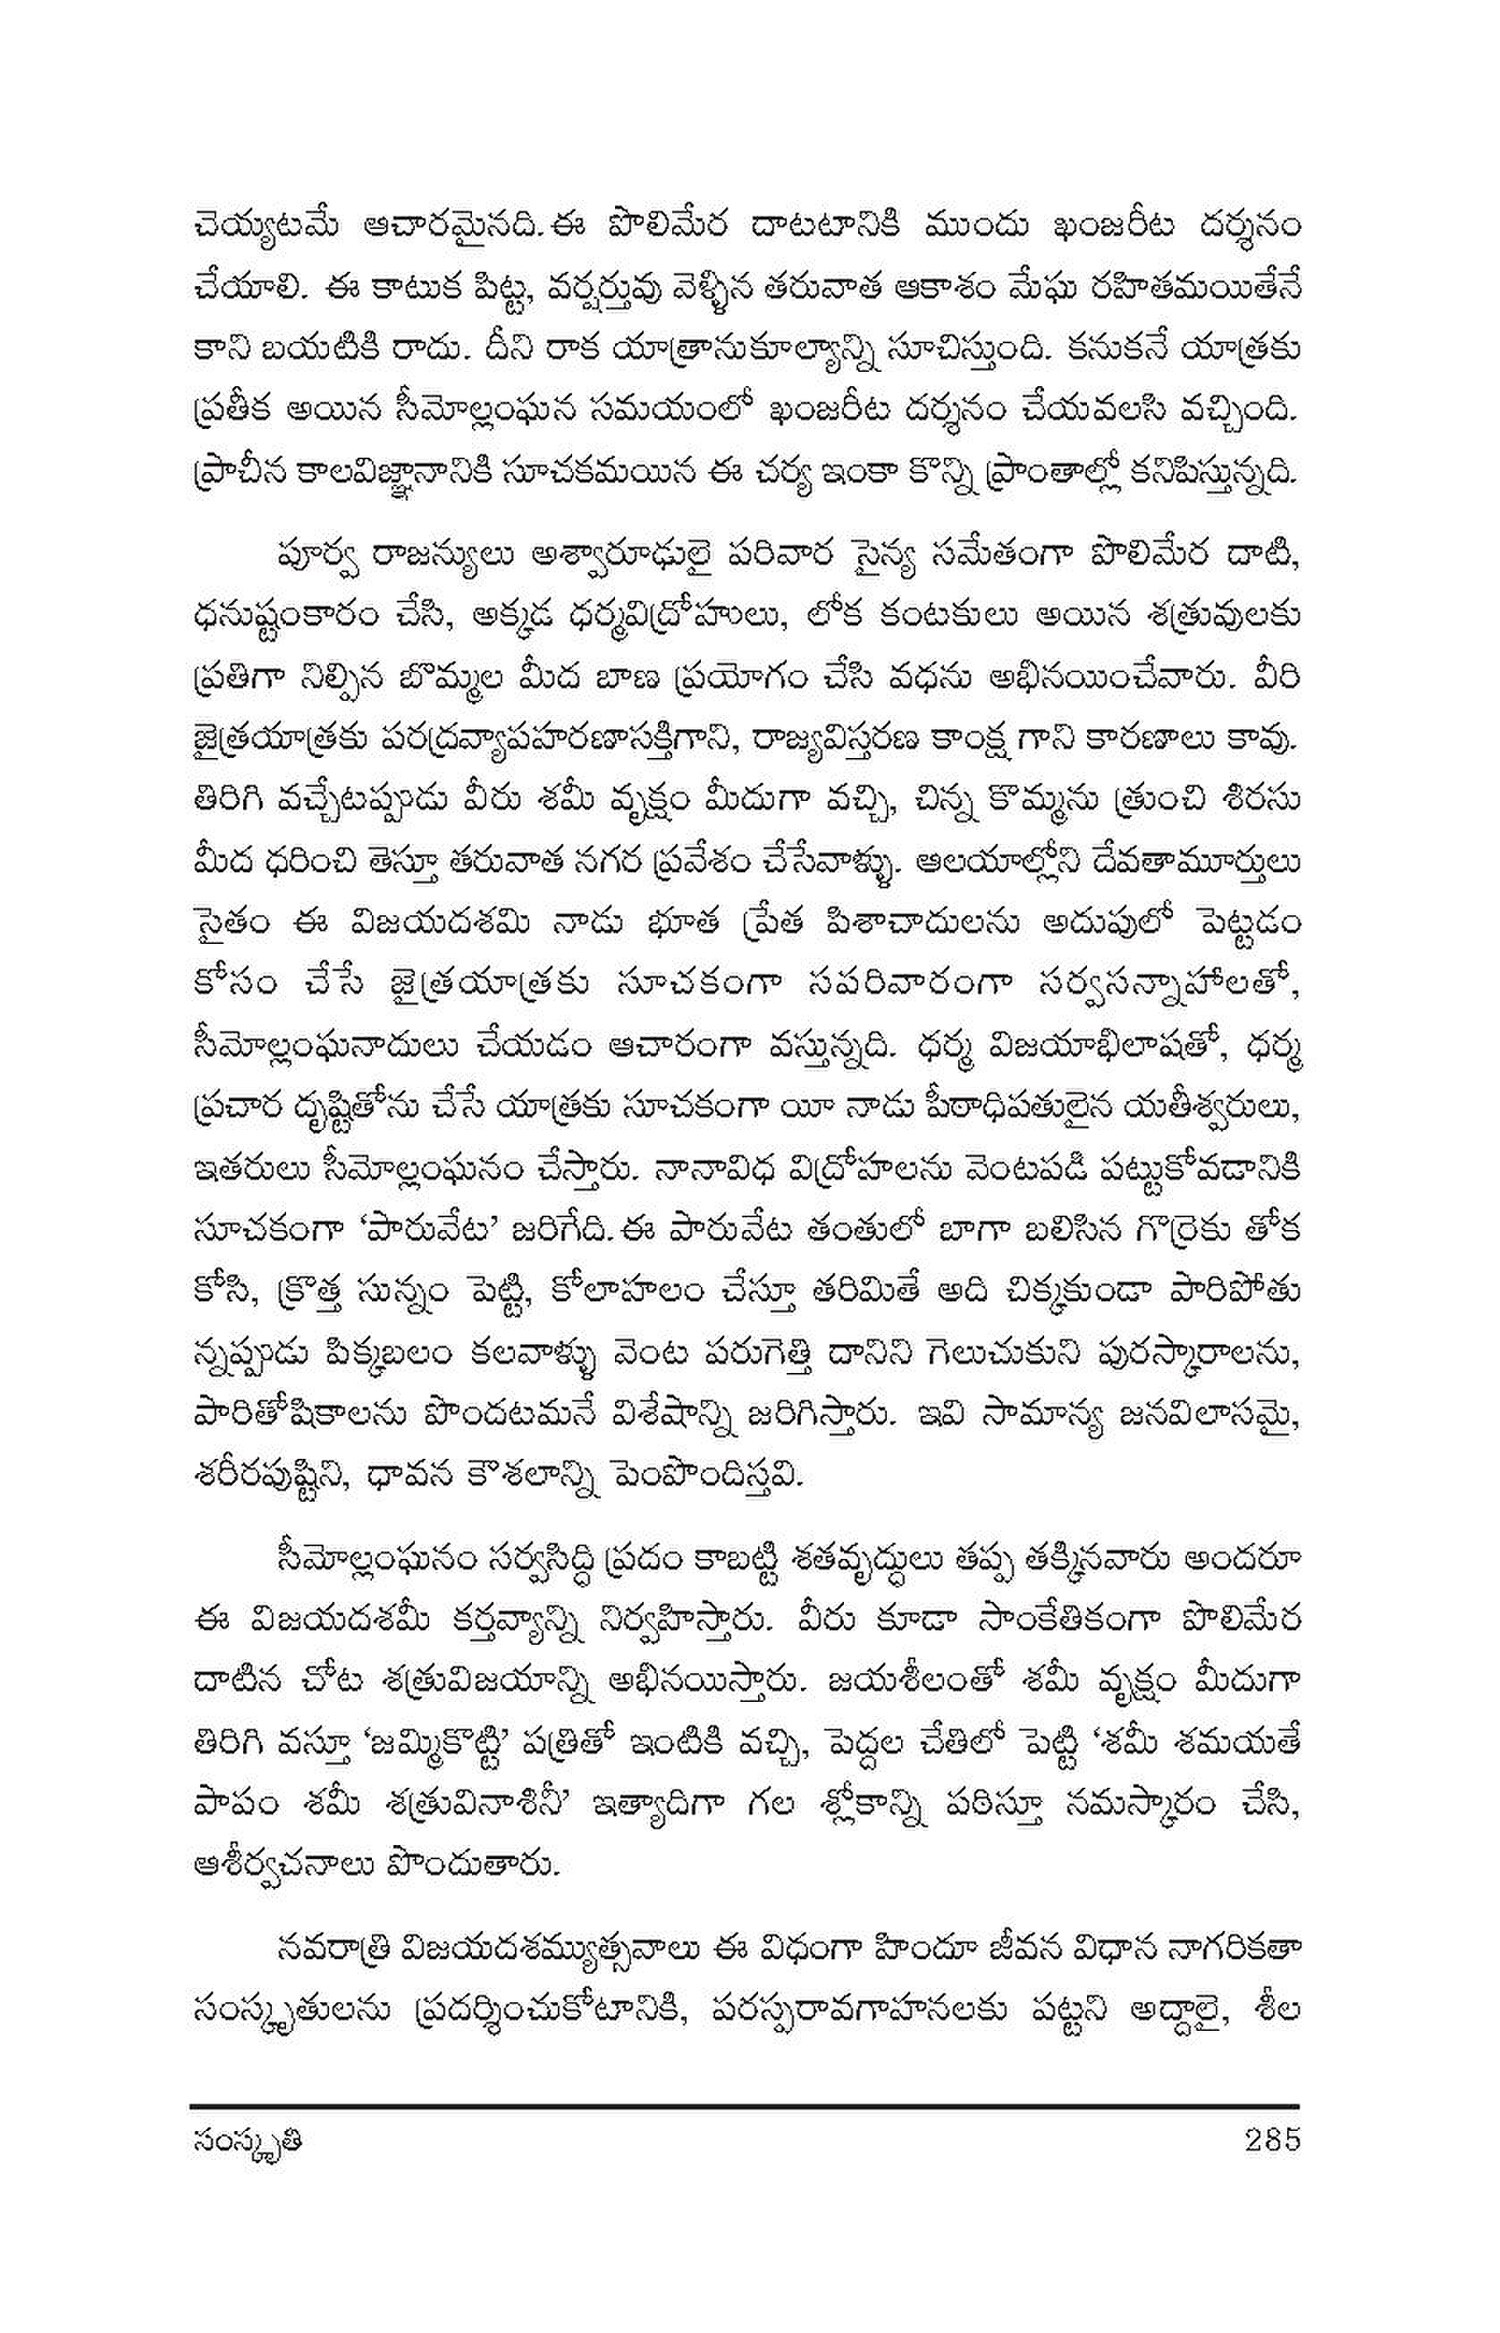చెయ్యటమే ఆచారమైనది. ఈ పొలిమేర దాటటానికి ముందు ఖంజరీట దర్శనం
చేయాలి. ఈ కాటుక పిట్ట, వర్షర్తువు వెళ్ళిన తరువాత ఆకాశం మేఘ రహితమయితేనే
కాని బయటికి రాదు. దీని రాక యాత్రానుకూల్యాన్ని సూచిస్తుంది. కనుకనే యాత్రకు
ప్రతీక అయిన సీమోల్లంఘన సమయంలో ఖంజరీట దర్శనం చేయవలసి వచ్చింది.
ప్రాచీన కాలవిజ్ఞానానికి సూచకమయిన ఈ చర్య ఇంకా కొన్ని ప్రాంతాల్లో కనిపిస్తున్నది.

పూర్వ రాజన్యులు అశ్వారూఢులై పరివార సైన్య సమేతంగా పొలిమేర దాటి,
ధనుష్టంకారం చేసి, అక్కడ ధర్మవిద్రోహులు, లోక కంటకులు అయిన శత్రువులకు
ప్రతిగా నిల్పిన బొమ్మల మీద బాణ ప్రయోగం చేసి వధను అభినయించేవారు. వీరి
జైత్రయాత్రకు పరద్రవ్యాపహరణాసక్తిగాని, రాజ్యవిస్తరణ కాంక్ష గాని కారణాలు కావు.
తిరిగి వచ్చేటప్పుడు వీరు శమీ వృక్షం మీదుగా వచ్చి, చిన్న కొమ్మను త్రుంచి శిరసు
మీద ధరించి తెస్తూ తరువాత నగర ప్రవేశం చేసేవాళ్ళు. ఆలయాల్లోని దేవతామూర్తులు
సైతం ఈ విజయదశమి నాడు భూత ప్రేత పిశాచాదులను అదుపులో పెట్టడం
కోసం చేసే జైత్రయాత్రకు సూచకంగా సపరివారంగా సర్వసన్నాహాలతో,
సీమోల్లంఘనాదులు చేయడం ఆచారంగా వస్తున్నది. ధర్మ విజయాభిలాషతో, ధర్మ
ప్రచార దృష్టితోను చేసే యాత్రకు సూచకంగా యీ నాడు పీఠాధిపతులైన యతీశ్వరులు,
ఇతరులు సీమోల్లంఘనం చేస్తారు. నానావిధ విద్రోహలను వెంటపడి పట్టుకోవడానికి
సూచకంగా 'పారువేట' జరిగేది. ఈ పారువేట తంతులో బాగా బలిసిన గొర్రెకు తోక
కోసి, క్రొత్త సున్నం పెట్టి, కోలాహలం చేస్తూ తరిమితే అది చిక్కకుండా పారిపోతు
న్నప్పుడు పిక్కబలం కలవాళ్ళు వెంట పరుగెత్తి దానిని గెలుచుకుని పురస్కారాలను,
పారితోషికాలను పొందటమనే విశేషాన్ని జరిగిస్తారు. ఇవి సామాన్య జనవిలాసమై,
శరీరపుష్టిని, ధావన కౌశలాన్ని పెంపొందిస్తవి.

సీమోల్లంఘనం సర్వసిద్ధి ప్రదం కాబట్టి శతవృద్ధులు తప్ప తక్కినవారు అందరూ
ఈ విజయదశమీ కర్తవ్యాన్ని నిర్వహిస్తారు. వీరు కూడా సాంకేతికంగా పొలిమేర
దాటిన చోట శత్రువిజయాన్ని అభినయిస్తారు. జయశీలంతో శమీ వృక్షం మీదుగా
తిరిగి వస్తూ 'జమ్మికొట్టి' పత్రితో ఇంటికి వచ్చి, పెద్దల చేతిలో పెట్టి 'శమీ శమయతే
పాపం శమీ శత్రువినాశినీ' ఇత్యాదిగా గల శ్లోకాన్ని పఠిస్తూ నమస్కారం చేసి,
ఆశీర్వచనాలు పొందుతారు.

నవరాత్రి విజయదశమ్యుత్సవాలు ఈ విధంగా హిందూ జీవన విధాన నాగరికతా
సంస్కృతులను ప్రదర్శించుకోటానికి, పరస్పరావగాహనలకు పట్టని అద్దాలై, శీల